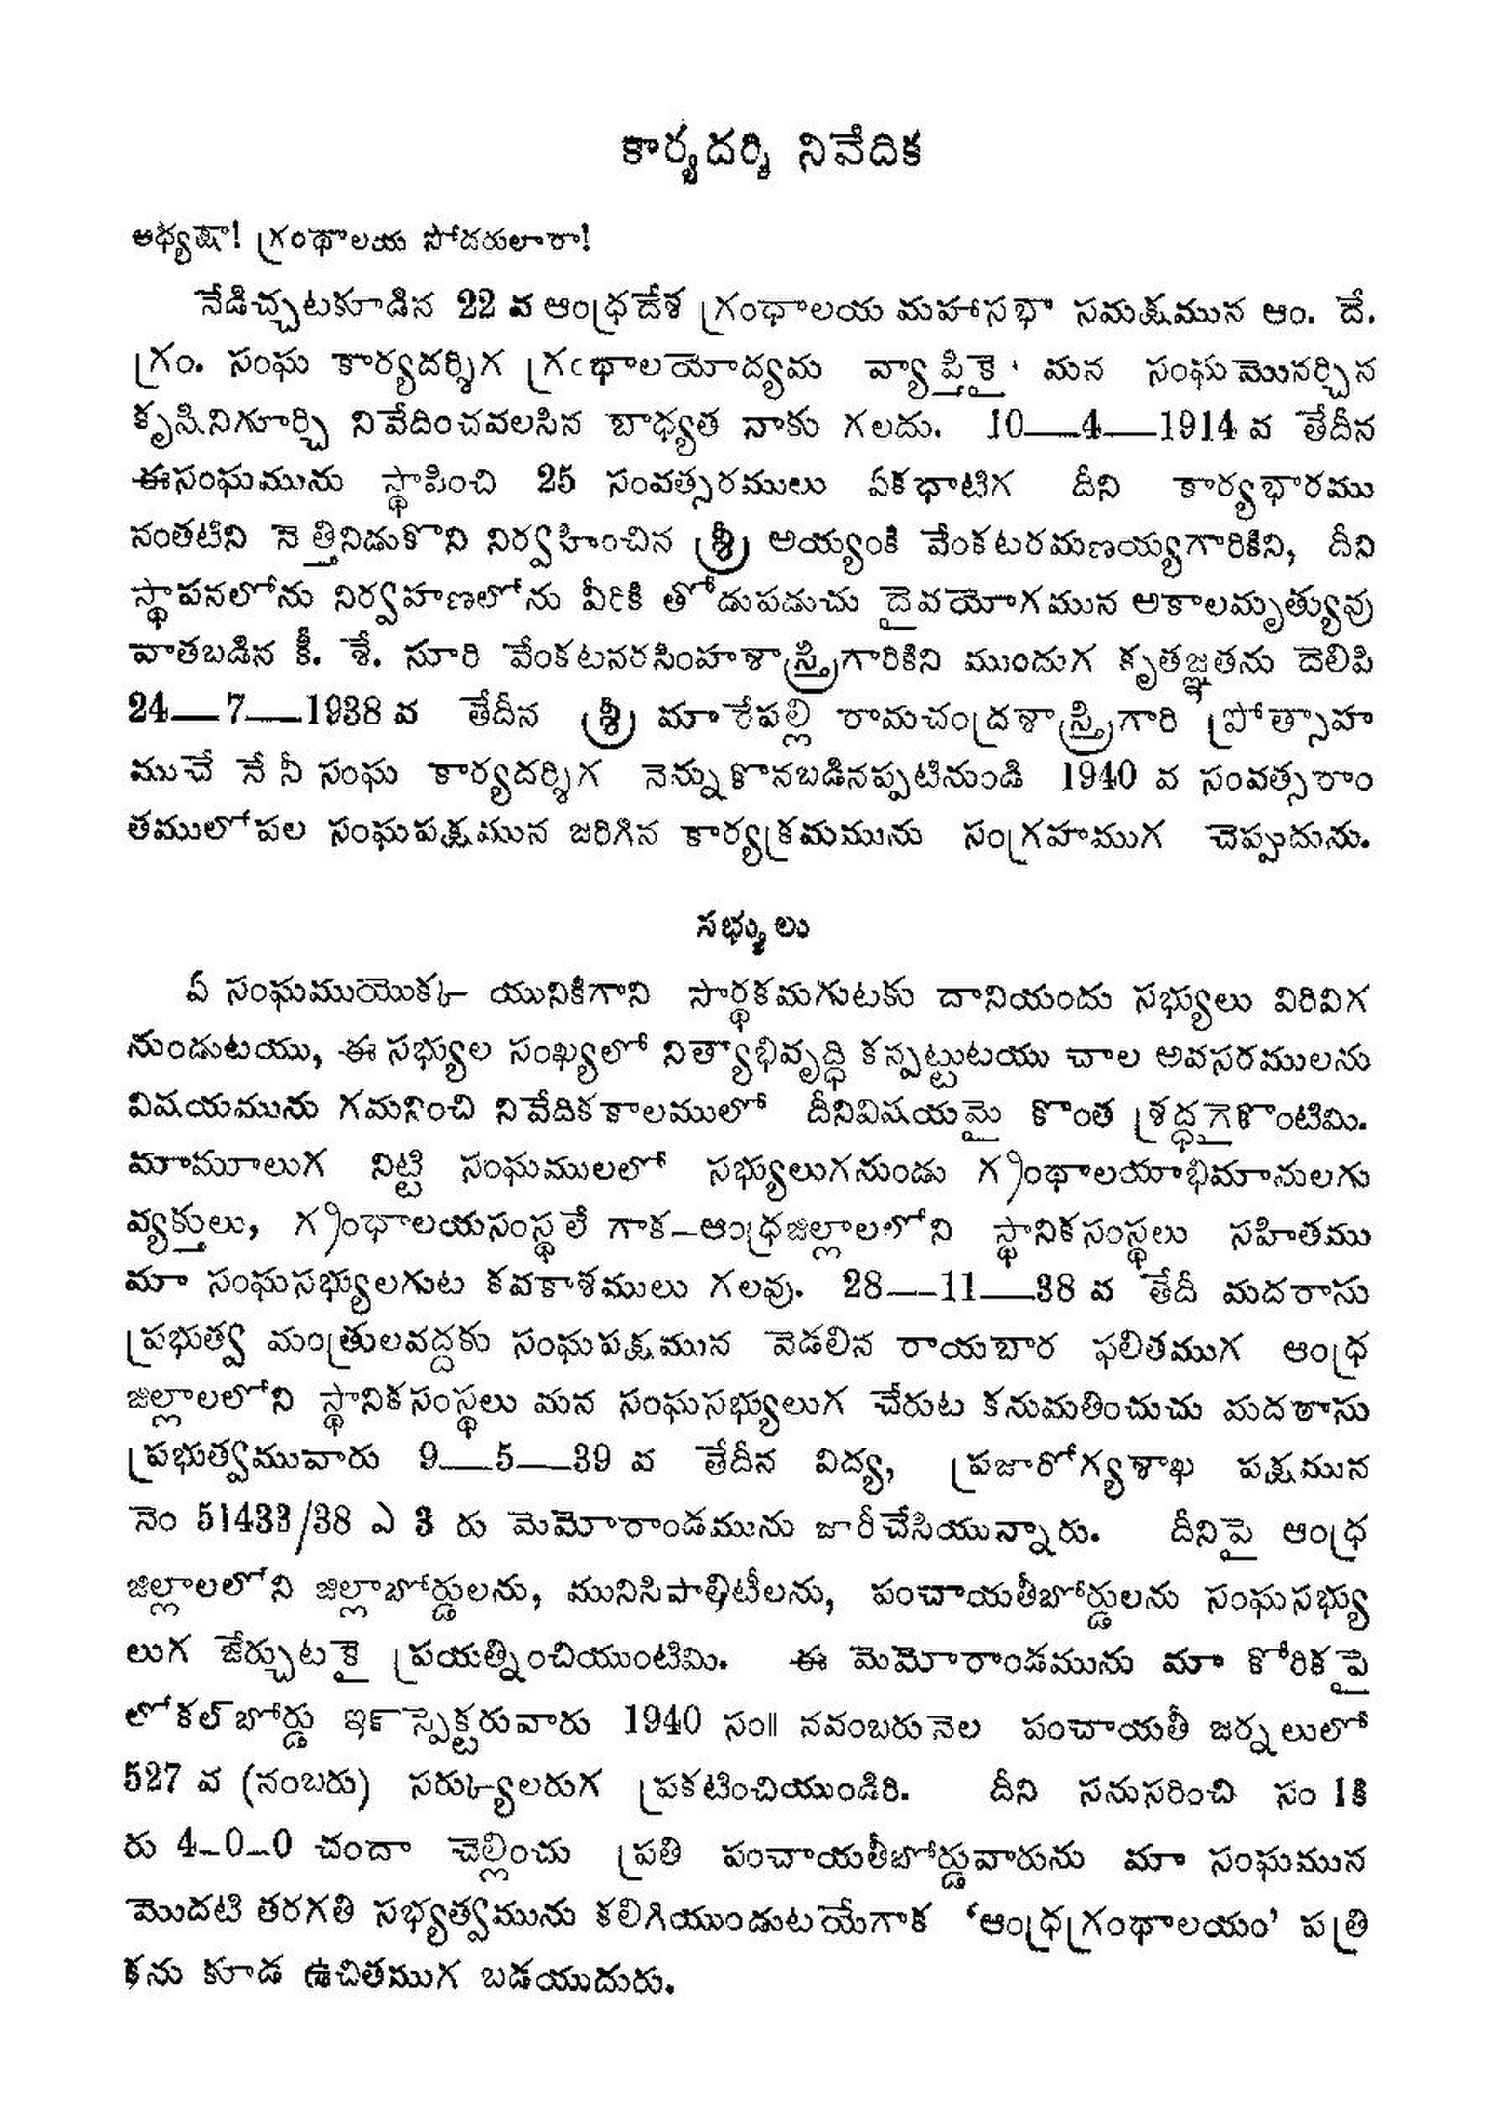అధ్యక్షా! గ్రంథాలయ సోదరులారా!

నేడిచ్చటకూడిన 22 వ ఆంధ్రదేశ గ్రంధాలయ మహాసభా సమక్షమున ఆం.దే.గ్రం. సంఘ కార్యదర్శిగ గ్రంథాలయోద్యమ 
వ్యాప్తికై మన సంఘ మొనర్చిన కృషి ని గూర్చి నివేదించవలసిన బాధ్యత నాకు గలదు. 10-1-1914 వ తేదీన
ఈ సంఘమును స్థాపించి 25 సంవత్సరములు ఏకధాటిగా దీని కార్యభారము నంతటిని నెత్తినిడుకొని నిర్వహించిన 
శ్రీ అయ్యంకి వెంకటరమణయ్య గారికిని, దీని స్థాపనలోను నిర్వహణలోను వీరికి తోడుపడుచు దైవయోగమున అకాలమృత్యువు
వాతబడిన కీ. శే. సూరి వేంకటనరసింహశాస్త్రి గారికిని ముందుగ కృతజ్ఞతను దెలిపి. 24-7-1938 వ తేదీన శ్రీ మారేపల్లి రామచంద్రశాస్త్రిగారి ప్రోత్సాహముచే నే నీ సంఘ కార్యదర్శిగా నెన్నుకొనబడినప్పటినుండి 1940 వ సంవత్సరాంతములో 
పలు సంఘపక్షమున జరిగిన కార్యక్రమమును సంగ్రహముగ చెప్పుదును.

ఏ సంఘముయొక్క యునికిగాని సార్థకమగుటకు దానియందు సభ్యులు విరివిగ నుండుటయు, ఈ సభ్యుల సంఖ్యలో నిత్యాభివృద్ధి కన్పట్టుటయు చాల అవసరములను విషయమును గమనించి నివేదిక కాలములో దీనివిషయమై కొంత శ్రద్ధగైకొంటిమి. మామూలుగ నిట్టి సంఘములలో సభ్యులుగ నుండు గ్రంథాలయాభిమానులగు వ్యక్తులు, గ్రంధాలయసంస్థలే గాక-ఆంధ్రజిల్లాలలోని స్థానిక సంస్థలు సహితము మా సంఘసభ్యులగుట కవకాశములు గలవు. 28-11-38 వ తేదీ మదరాసు ప్రభుత్వ మంత్రుల వద్దకు సంఘపక్షమున వెడలిన రాయబార ఫలితముగ ఆంధ్ర జిల్లాలలోని స్థానిక సంస్థలు మన సంఘసభ్యులుగ చేరుట కనుమతించుచు మదరాసు ప్రభుత్వమువారు 9-5-39 వ తేదీన విద్య, ప్రజారోగ్యశాఖ పక్షమున నెం 51433/38 ఎ 3 రు మెమోరాండమును జారీ చేసియున్నారు. దీనిపై ఆంధ్ర జిల్లాలలోని జిల్లాబోర్డులను, మునిసిపాలిటీలను, పంచాయతీబోర్డులను సంఘసభ్యులుగ జేర్చుటకై ప్రయత్నించియుంటిమి. ఈ మెమోరాండమును మా కోరిక పై లోకల్ బోర్డు ఇ౯స్పెక్టరు వారు 1940 సం॥ నవంబరు నెల పంచాయతీ జర్నలులో 527 వ (నంబరు) సర్క్యులరుగ ప్రకటించియుండిరి. దీని సనుసరించి సం 1కి రు 4.0.0 చందా చెల్లించు ప్రతి పంచాయతీబోర్డువారును మా సంఘమున మొదటి తరగతి సభ్యత్వమును కలిగియుండుటయేగాక 'ఆంధ్రగ్రంథాలయం' పత్రికను కూడ ఉచితముగ బడయుదురు.